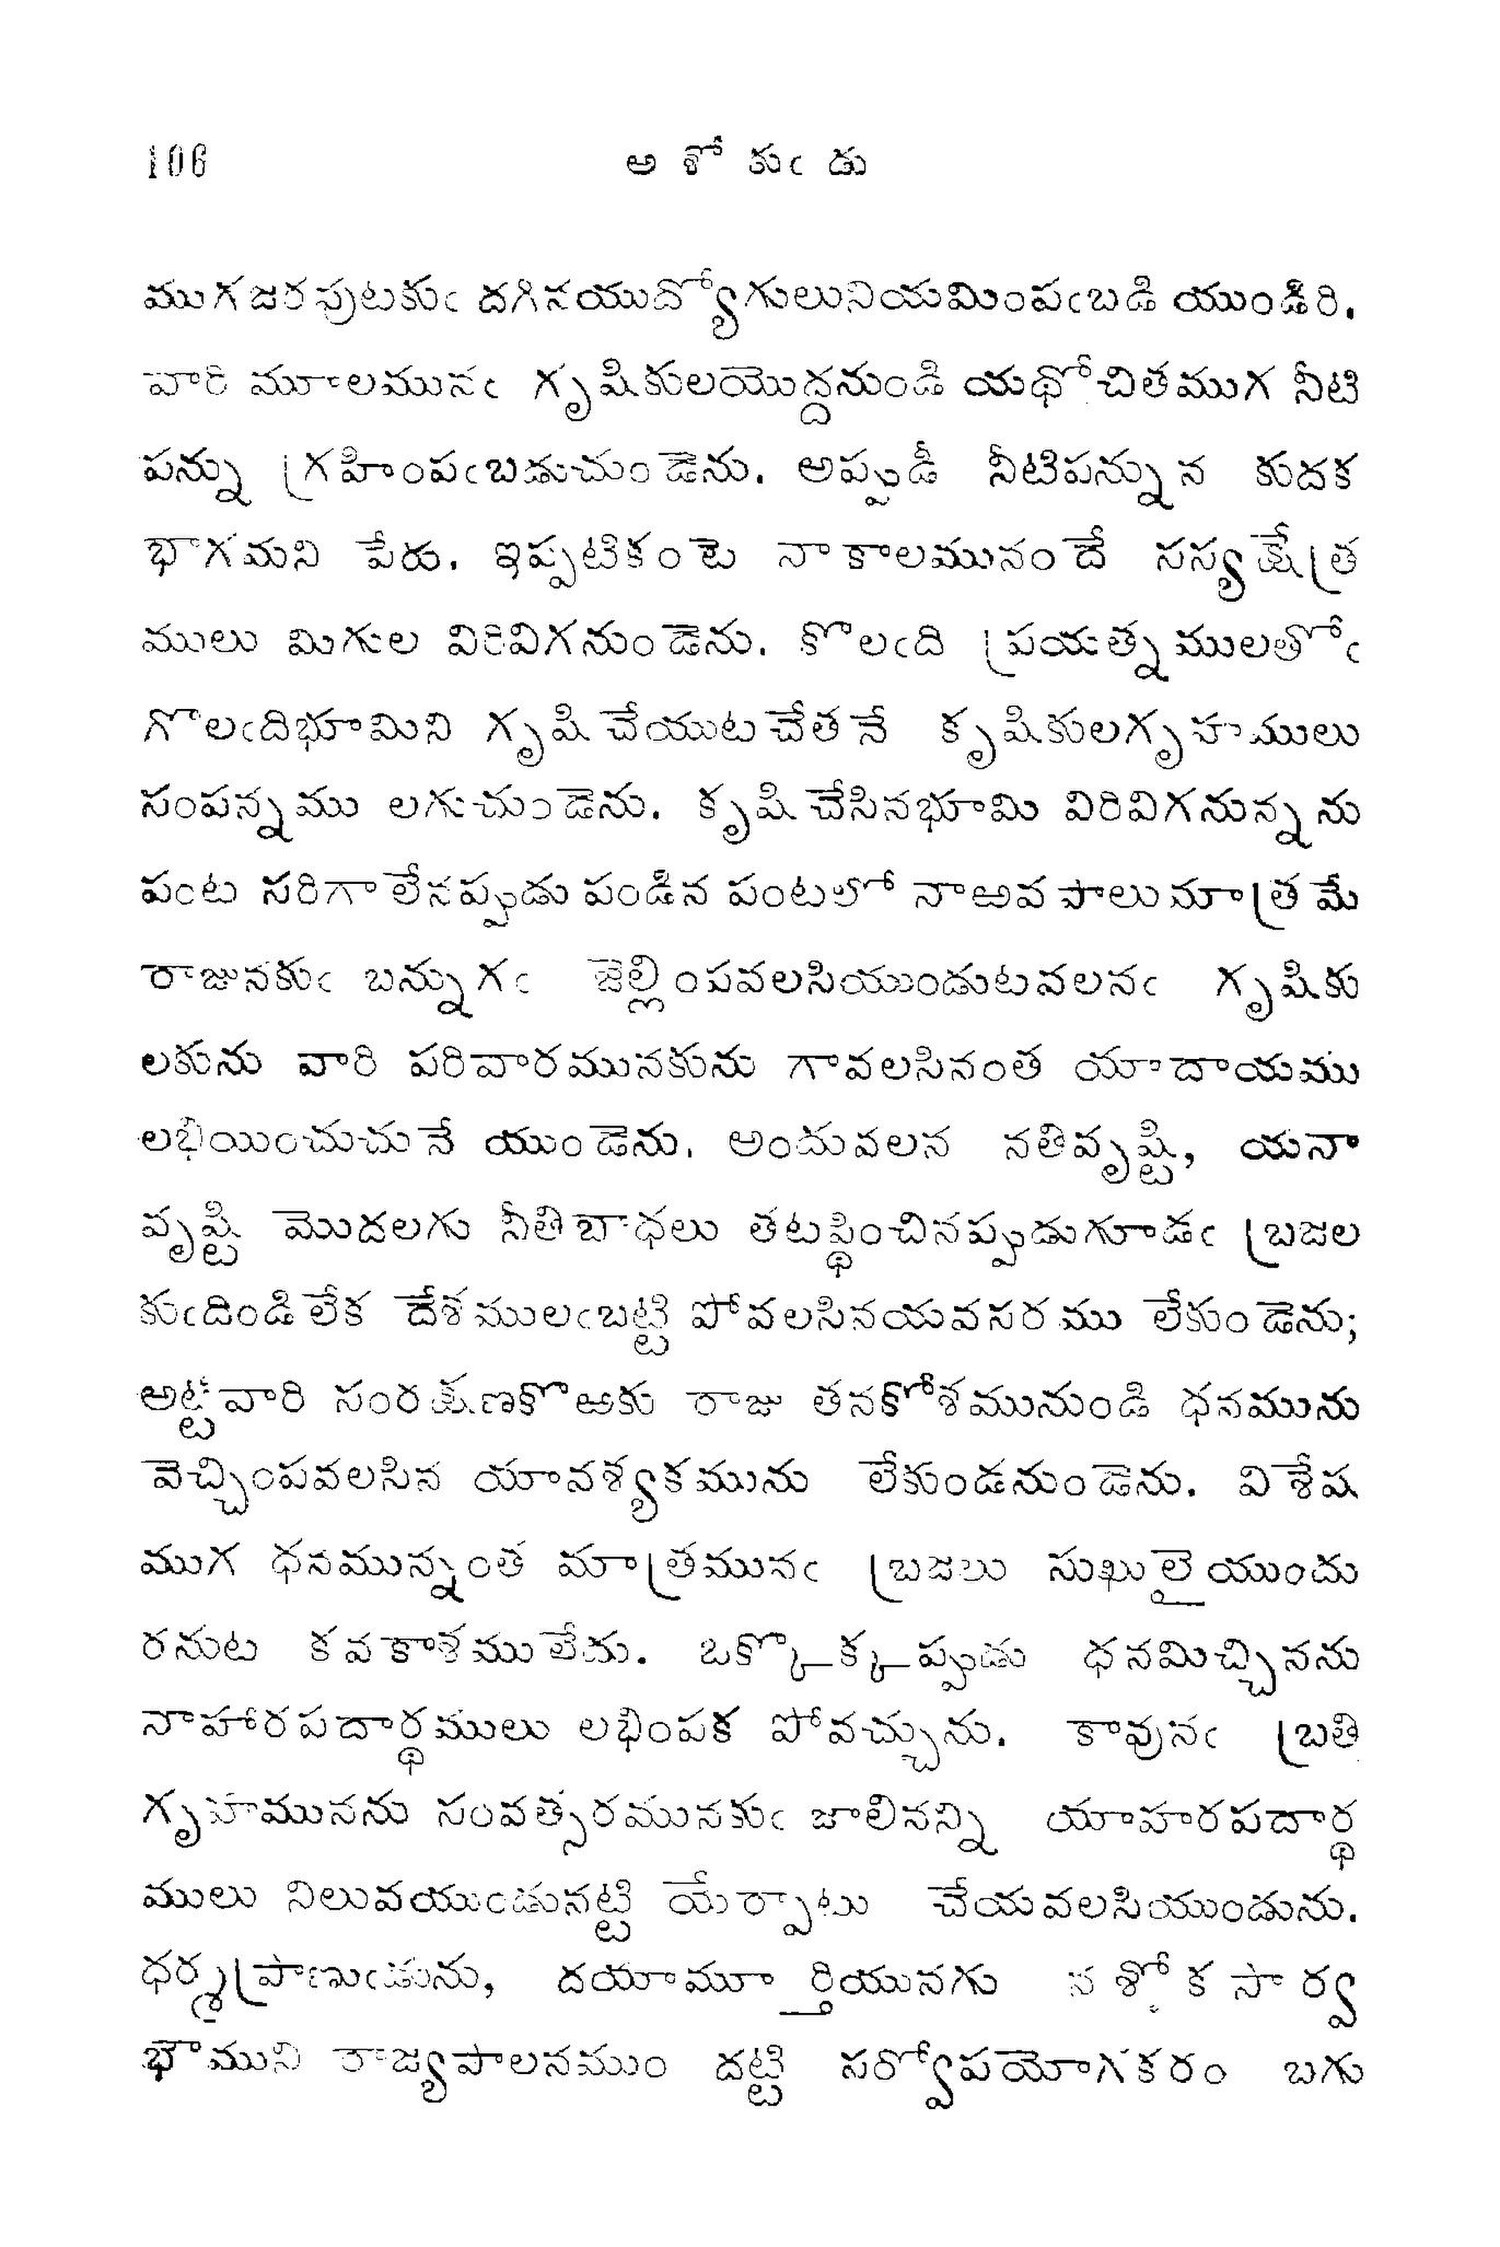ముగ జరపుటకుఁ దగినయుద్యోగులు నియమింపఁబడి యుండిరి. వారి మూలమునఁ గృషికులయొద్దనుండి యథోచితముగ నీటిపన్ను గ్రహింపఁబడుచుండెను. అప్పుడీ నీటిపన్నున కుదక భాగమని పేరు. ఇప్పటికంటె నా కాలమునందే సస్య క్షేత్రములు మిగుల విరివిగనుండెను. కొలఁది ప్రయత్నములతో గొలఁది భూమిని గృషి చేయుట చేత నే కృషికులగృహములు సంపన్నము లగుచుండెను. కృషి చేసిన భూమి విరివిగనున్నను
పంట సరిగా లేనప్పుడు పండిన పంటలో నాఱవ పాలు మాత్రమే రాజునకుఁ బన్నుగఁ జెల్లింపవలసియుండుటవలనఁ గృషికులకును వారి పరివారమునకును గావలసినంత యాదాయము లభియించుచునే యుండెను. అందువలన నతివృష్టి, యనా వృష్టి మొదలగు నీతి బాధలు తటస్థించినప్పుడు గూడఁ బ్రజల కుఁదిడి లేక దేశములఁబట్టి పోవలసిన యవసరము లేకుండెను; అట్టి వారి సంరక్షణకొఱకు రాజు తనకోశమునుండి ధనమును
వెచ్చింపవలసిన యావశ్యకమును లేకుండనుండెను. విశేషముగ ధనమున్నంత మాత్రమునఁ బ్రజలు సుఖులై యుందు రనుట కవకాశము లేదు. ఒక్కొక్కప్పుడు ధనమిచ్చినను
నాహార పదార్థములు లభింపక పోవచ్చును. కావున బ్రతి గృహమునను సంవత్సరమునకుఁ జాలినన్ని యాహరపదార్థములు నిలువయుండునట్టి యేర్పాటు చేయవలసియుండును.
ధర్మప్రాణుఁడును, దయామూర్తియునగు న శోక సా ర్వభౌముని రాజ్యపాలనముం దట్టి సర్వోపయోగకరం బగు